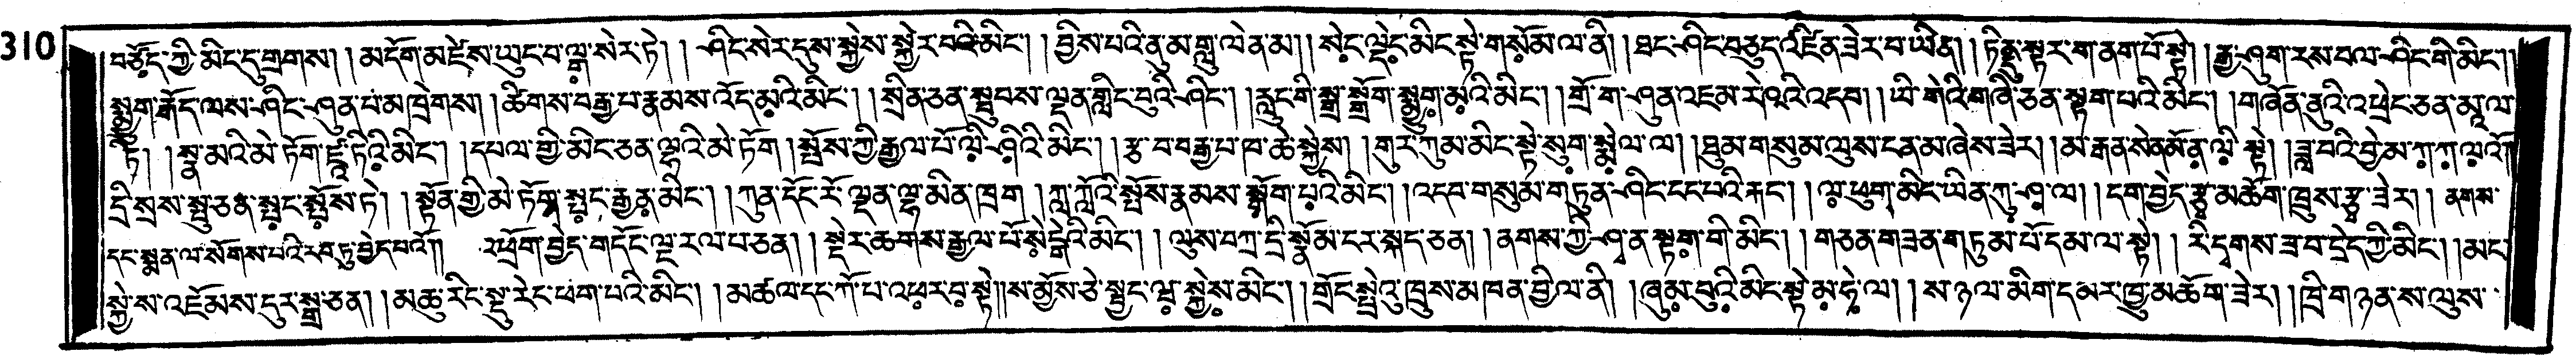བརྩོད་ཀྱི་མིང་དུ་གྲགས། །མདོག་མཛེས་ཡུང་བ་ལྒ྾་སེར་ཏེ། །ཤིང་སེར་དུས་སྐྱེས་སྐྱེར་བའི་མིང་། །བྱིས་པའི་ནུ་མ་གླུ་ལེན་མ། །སེང྾་ལྡེང྾་མིང་སྟེ་གསོམ྾་ལ་ནི། །ཐང་ཤིང་བཅུད་འཛིན་ཟེར་བ་ཡིན། །ཏིནྡུ་སྟར་ག་ནག་པོ་སྟེ། །རྒྱ་ཤུག་རས་བལ་ཤིང་གི་མིང་། །
སྨྱུག་རྒོད་ལས་ཤིང་ཤུན་པ་མཁྲེགས། །ཚིགས་བརྒྱ་པ་རྣམས་འདོ་མའི྾་མིང་། །སྲིན་ཅན་སྦུབས་ལྡན་གླིང་བུའི་ཤིང་། །རླུང་གི་སྒྲ་སྒྲོག་སྨྱུག྾་མའི྾་མིང་། །གྲོ་གཤུན་འཇམ་རེཥཱི་འདབ། །ཡི་གེའི་གཞི་ཅན་སྟག་པའི་མིང་། །གཞོན་ནུའི་འཕྲེང་ཅན་མཱ་ལ་
ཏི། །སྣ་མའི་མེ་ཏོག་ཛཱ་ཏིའི྾་མིང་། །དཔལ་གྱི་མིང་ཅན་ལྷའི་མེ་ཏོག། །སྤོས་ཀྱི་རྒྱལ་པོ་ལི྾་ཤིའི྾་མིང་། །རྩ་བ་རྒྱ་པ་ཁ་ཆེ་སྐྱེས། །གུར་ཀུམ་མིང་སྟེ་སུག་སྨེལ྾་ལ། །ཐུག་གསུམ་ལུས་ངན་མ་ཞེས་ཟེར། །མ་རྒན་སེན་མོ་ན྾་ལི྾་སྟེ། །ཟླ་བའི་བྱེ་མ་ཀ྾་ཀ྾་ལ྾འོ།།
དྲི་སྲས་སྤུ་ཅན་སྤང྾་སྤོས྾་ཏེ། །སྟོན་གྱི་མེ་ཏོག་སྤང྾་རྒྱན྾་མིང་། །ཀུན་དོང་རོ་ལྡན་ལྷ་མིན་ཁྲག །ཀླ་ཀློའི་སྤོས་རྣམས་སྒོག྾་པའི྾་མིང་། །འདབ་གསུམ་གཏུན་ཤིང་ངང་པའི་རྐང་། །ལ྾་ཕུག་མིང་ཡིན་ཀུ྾་ཤ྾་ལ། །དག་བྱེད་རྩྭ་མཆོག་ཁྲུས་རྩྭ་ཟེར། །ནགས་
དང་སྨན་ལ་སོགས་པའི་རབ་ཏུ་བྱེད་པའོ། །འཕྲོག་བྱེད་གདོང་ལྔ་རལ་པ་ཅན། །སྡེར་ཆགས་རྒྱལ་པོ་སེ྾ངྒེའི྾་མིང་། །ལུས་བཀྲ་དྲི་སྣོམ་ངར་སྐད་ཅན། །ནགས་ཀྱི་ཤྭ་ན་སྟག྾་གི་མིང་། །གཅན་གཟན་གཏུམ་པོ་དམ་ལ་སྟེ། །རི་དྭགས་ཟ་བ་དྲེད་ཀྱི་མིང་། །མང་
སྐྱེ་ས་འཇོམས་དུར་སྒྲ་ཅན། །མཆུ་རིང་སྡུ་རེང་ཕག་པའི་མིང་། །མཚལ་དང་ཀོ་པ་འཕར྾་བ྾་སྟེ། །ས་མྱོས་ཅེ་སྦྱང་ཝ྾་སྐྱེས྾་མིང་། །གྲོང་སྤྲེའུ་ཁྲུས་མཁན་བྱི་ལ་ནི། །ཞུམ྾་བུའི྾་མིང་སྟེ་མ྾་ཧེ྾་ལ། །ས་ཉལ་མིག་དམར་ཁྱུ་མཆོག་ཟེར། །ཁྲི་གཉན་ས་ལུས་